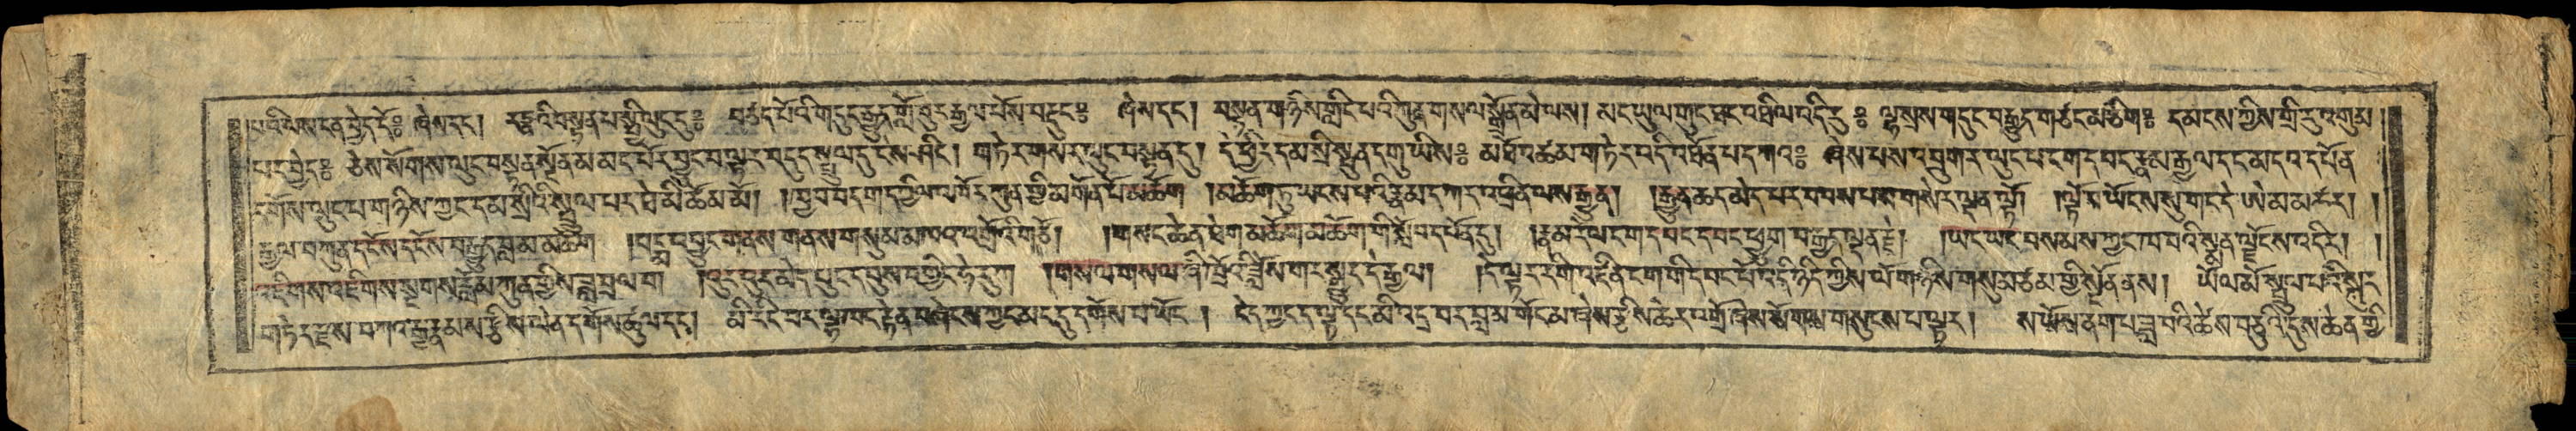པའི་ལས་ངན་བྱེད་དོཿ་ཞེས་དང་། རཏྣའི་བསྟན་པ་སྤྱི་ལུང་དུཿ་བཙད་པོའི་གདུང་རྒྱུད་གློ་བུར་རྒྱལ་པོས་བརྡུངཿ་ཞེས་དང་། བསྟན་གཉིས་གླིང་པའི་ཀུན་གསལ་སྒྲོན་མེ་ལས། མང་ཡུལ་གུང་ཐང་འཐིལ་འདི་རུཿ་ལྷ་སྲས་གདུང་བརྒྱུད་གཙང་མ་ཅིགཿ་དམངས་ཀྱིས་གྲི་རུ་འགུམ་
པར་བྱདཿ་ཅེས་སོགས་ལུང་བསྟན་སྔོན་མ་མང་པོར་བྱུང་བལྟར་བདུད་སྤྲུལ་དུ་ངེས་ཤིང་། གཏེར་གསར་ལུང་བསྟན་དུ། དེ་ཕྱིར་དམ་སྲི་སྤུན་དགུ་ཡིསཿ་མཐོ་འཚམ་གཏེར་འདི་འཐོན་པ་དཀའཿ་ཞེས་པས་འབྲུག་ར་ལུང་པ་ངག་དབང་རྣམ་རྒྱལ་དང་མདའ་དཔོན་
དགོས་ལུང་པ་གཉིས་ཀྱང་དམ་སྲིའི་སྤྲུལ་པར་ཐེ་མི་ཚོམ་མོ། །ཁྱབ་བདག་དཀྱིལ་འཁོར་ཀུན་གྱི་མགོན་པོ་མཆོག །མཆོག་ཏུ་ཡངས་པའི་རྣམ་དཀར་འཕྲིན་ལས་རྒྱུན། །རྒྱུན་ཆད་མེད་པར་བབས་པས་གསེར་ལྡན་ལྟོ། །ལྟོ་བ་ཡོངས་སུ་གང་དེ་ཨེ་མ་མཚར། །
རྒྱལ་བཀུན་དངོས་དངོས་བརྒྱུད་བླ་མ་མཆོག །པདམ་འབྱུང་གནས་གནས་གསུམ་མཁའ་འགྲོའི་གཙོ། །གསང་ཆན་ཐེག་མཆོག་མཆོག་གི་སློབ་དཔོན་དུ། །རྣམ་རོལ་ངག་དབང་དབང་ཕྱུག་བརྒྱད་ལྡན་རྗེ། །ཡང་ཡང་བསམས་ཀྱང་ཁ་བའི་སྨན་ལྗོངས་འདིར། །
འཇིགས་འཇིགས་སྔགས་རློམ་ཀུན་གྱིས་ཟླ་བྲལ་བ། །འུར་འུར་མེད་པུང་དབུས་འགྱིང་ཧེ་རུ་ཀ །གསལ་གསལ་ཞི་ཁྲོའི་ཟློས་གར་སྒྱུར་དེ་རྒྱལ། །དེ་ལྟར་རིག་འཛིན་ངག་གི་དབང་པོ་འདི་ཉིད་ཀྱིས་ལོ་གཉིས་གསུམ་ཙམ་གྱི་སྔོན་ནས། ཡོལ་མོ་སྤྲུལ་པའི་སྐུར་
གཏེར་རྫས་བཀའ་རྒྱ་རྣམས་རྩིས་ལེན་དགོས་ཚུལ་དང་། མི་རིང་བར་ལྷ་ཁང་རྟེན་བཞེངས་ཀྱང་མང་དུ་དགོས་པ་ཡོང་། དེད་ཀྱང་ད་ལྟ་དང་མི་འདྲ་བར་བླ་མ་གོང་མ་ཞེས་རྩིས་ཆེར་འགྲོ་ཞེས་སོགས་གསུངས་པ་ལྟར། ས་ཡོས་ནག་པ་ཟླ་བའི་ཚེས་བཅུའི་དུས་ཆེན་གྱི་